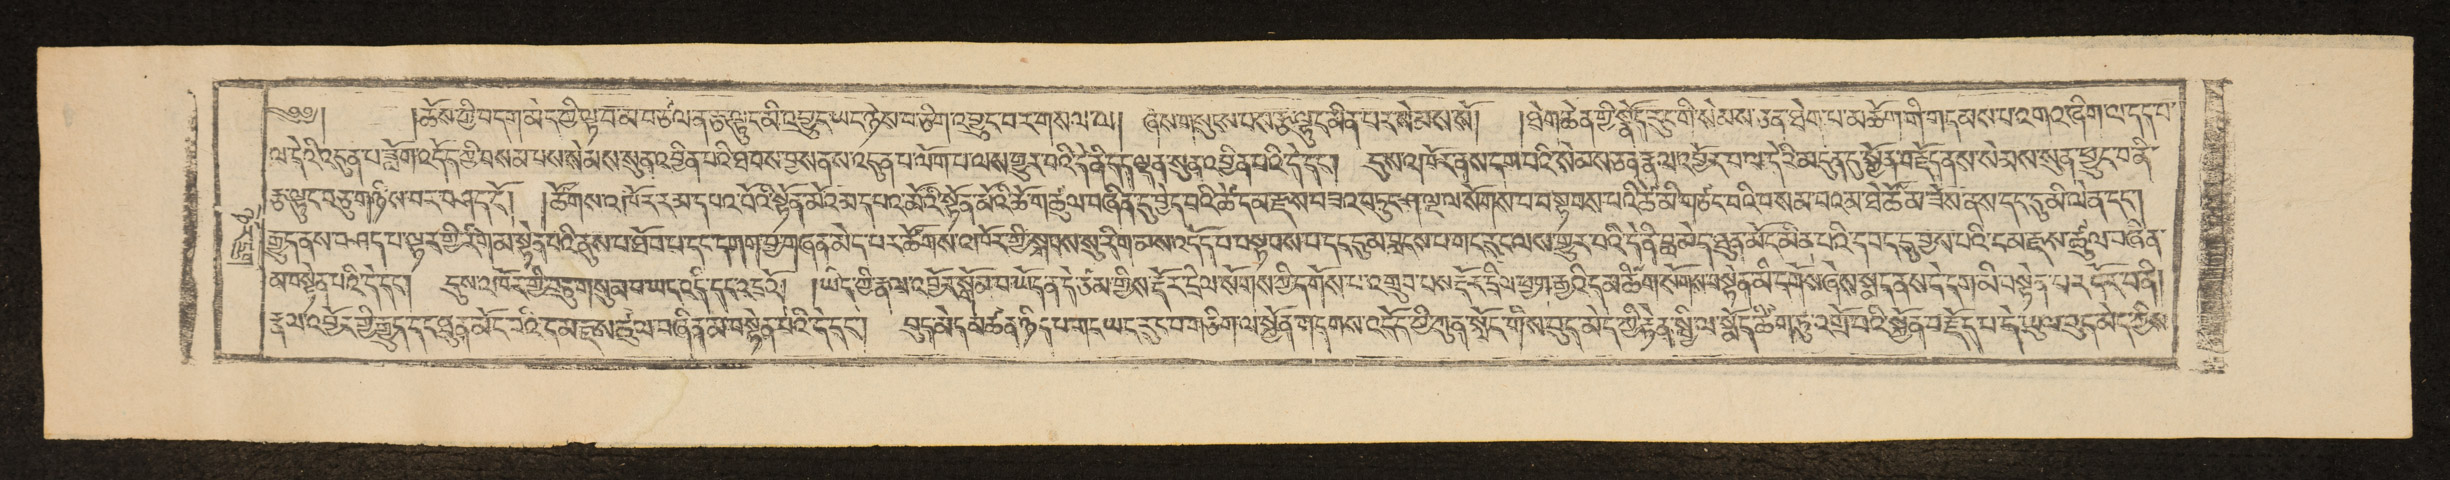༄༅། །ཆོས་ཀྱི་བདག་མེད་ཀྱི་ལྟ་བ་མ་བཙལ་ན་རྩ་ལྟུང་མི་འབྱུང་ཡང་ཉེས་པ་ཅིག་འབྱུང་བར་གསལ་ལ། ཞེས་གསུངས་པས་རྩ་ལྟུང་མིན་པར་སེམས་སོ། །ཐེག་ཆེན་གྱི་སྣོད་རུང་གི་སེམས་ཅན་ཐེག་པ་མཆོག་གི་གདམས་པ་འགའ་ཞིག་ལ་དད་པ་
ལ་དེའི་འདུན་བཟློག་འདོད་ཀྱི་བསམ་པས་སེམས་སུན་འབྱིན་པའི་ཐབས་བྱས་ནས་འདུན་པ་ལོག་པ་ལས་གྱུར་བའི་དེ་ནི་དད་ལྡན་སུན་འབྱིན་པའི་དེ་དང་། དུས་འཁོར་ནས་དག་པའི་སེམས་ཅན་རྣལ་འབྱོར་པ་ལ་དེའི་མདུན་དུ་སྐྱོན་བརྗོད་ནས་སེམས་སུན་ཕྱུང་བ་ནི་
རྩ་ལྟུང་བཅུ་གཉིས་པར་བཤད་དོ། །ཚོགས་འཁོར་རམ་དཔའ་བོའི་སྟོན་མོའམ་དཔའ་མོའི་སྟོན་མོའི་ཆོ་ག་ཚུལ་བཞིན་དུ་བྱེད་པའི་ཚེ་དམ་རྫས་བཟའ་བཏུང་ཤ་ལྔ་ལ་སོགས་པ་བསྟབས་པའི་ཚེ་མི་གཙང་བའི་བསམ་བའམ་ཐེ་ཚོམ་ཟོས་ནས་དང་དུ་མི་ལེན་དང་།
རྒྱུད་ནས་བཤད་པ་ལྟར་གྱི་རིག་མ་སྟེན་པའི་ནུས་པ་ཐོབ་པ་དང་དགག་བྱ་གཞན་མེད་པར་ཚོགས་འཁོར་གྱི་སྐབས་སུ་རིག་མས་འདོད་པ་བསྟབས་པ་དང་དུ་མ་བླངས་པ་གང་རུང་ལས་གྱུར་བའི་དེ་ནི་བླ་མེད་ཐུན་མོང་མིན་པའི་དབང་དུ་བྱས་པའི་དམ་རྫས་ཚུལ་བཞིན་
མ་བསྟེན་པའི་དེ་དང་། དུས་འཁོར་གྱི་བཅུ་གསུམ་པ་ཡང་འདི་དང་འདྲའོ། །ཡིད་ཀྱི་རྣལ་འབྱོར་སྒོམ་པ་ཡོད་ན་དེ་ཙམ་གྱིས་རྡོར་དྲིལ་སོགས་ཀྱི་དགོས་པ་འགྲུབ་པས་རྡོར་དྲིལ་ཕྱག་རྒྱའི་དམ་ཚིག་སོགས་བསྟེན་མི་དགོས་ཞེས་སླད་ནས་དེ་དག་མི་བསྟེན་པར་དོར་བ་ནི།
རྣལ་འབྱོར་གྱི་རྒྱུད་དང་ཐུན་མོང་བའི་དམ་རྫས་ཚུལ་བཞིན་མ་བསྟེན་པའི་དེ་དང་། བུད་མེད་ཚད་ཉིད་པ་གང་ཡང་རུང་བ་གཅིག་ལ་སྐྱོན་གདགས་འདོད་ཀྱི་ཀུན་སློང་གིས་བུད་མེད་ཀྱི་རྟེན་སྦྱིལ་སྨོད་ཚིག་ཏུ་འགྲོ་བའི་སྐྱོན་བརྗོད་པ་དེ་ཡུལ་བུད་མེད་ཀྱིས་